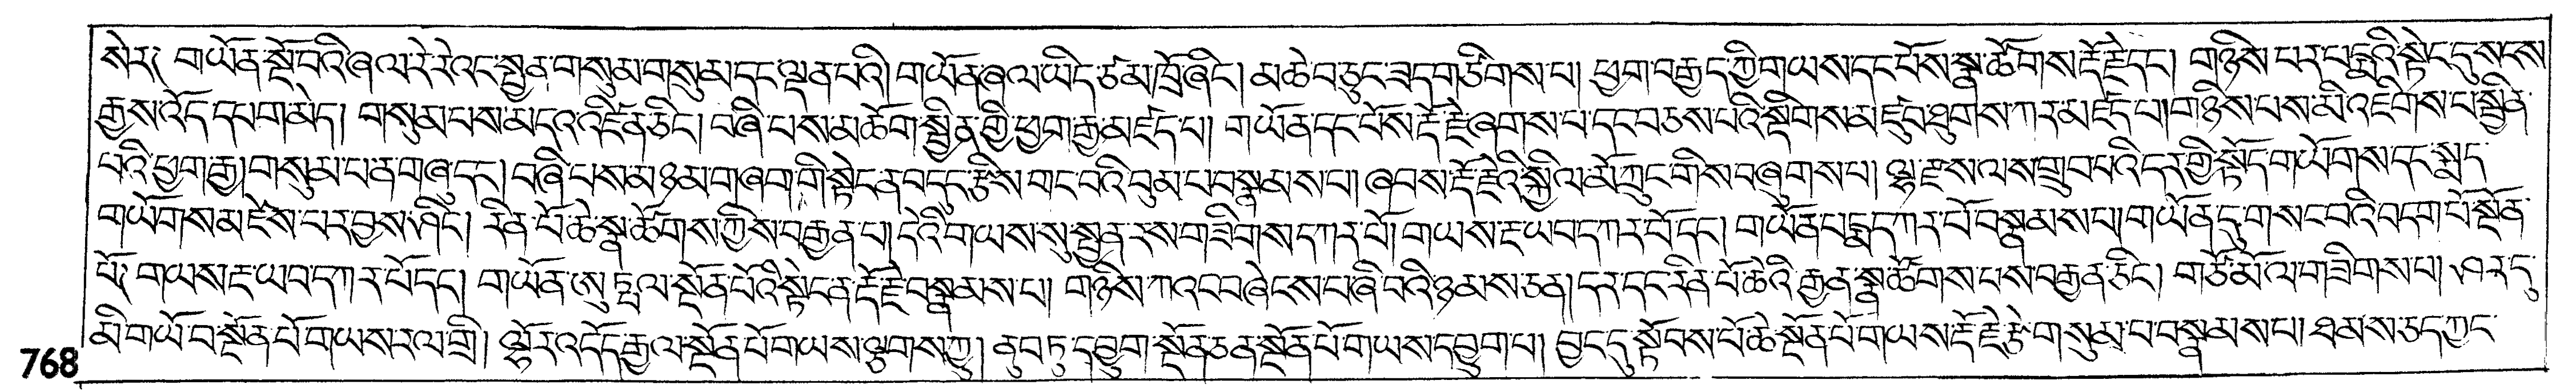སེར༑ གཡོན་སྔོ་བའི་ཞལ་རེ་རེའང་སྤྱན་གསུམ་གསུམ་དང་ལྡན་པའི། གཡོན་ཞལ་ཡིད་ཙམ་ཁྲོ་ཞིང་། མཆེ་བ་ཅུང་ཟད་གཙིགས་པ། ཕྱག་བརྒྱད་ཀྱི་གཡས་དང་པོས་སྣ་ཚོགས་རྡོ་རྗེ་དང་། གཉིས་པར་པདམའི་སྟེང་དུ་སངས་
རྒྱས་འོད་དཔག་མེད། གསུམ་པས་མདའ་འཛིན་ཅིང་། བཞི་པས་མཆོག་སྦྱིན་གྱི་ཕྱག་རྒྱ་མཛད་པ། གཡོན་དང་པོས་རྡོ་རྗེ་ཞགས་པ་དང་བཅས་པའི་སྡིགས་མཛུབ་ཐུགས་ཀར་མཛད་པ། གཉིས་པས་མི་འཇིགས་པ་སྦྱིན་
པའི་ཕྱག་རྒྱ། གསུམ་པ་ན་གཞུ་དང་། བཞི་པས་མཉམ་གཞག་གི་སྟེང་ན་བདུད་རྩིས་གང་བའི་བུམ་པ་བསྣམས་པ། ཞབས་རྡོ་རྗེའི་སྐྱིལ་མོ་ཀྲུང་གིས་བཞུགས་པ། ལྷ་རྫས་ལས་གྲུབ་པའི་དར་གྱི་སྟོད་གཡོགས་དང་སྨད་
གཡོགས་མཛེས་པར་བྱས་ཤིང་། རིན་པོ་ཆེ་སྣ་ཚོགས་ཀྱིས་བརྒྱན་པ། དེའི་གཡས་སུ་སྤྱན་རས་གཟིགས་དཀར་པོ། གཡས་རྔ་ཡབ་དཀར་པོ་དང་། གཡོན་པདམ་དཀར་པོ་བསྣམས་པ། གཡོན་དུ་གསང་བའི་བདག་པོ་སྔོན་
པོ། གཡས་རྔ་ཡབ་དཀར་པོ་དང་། གཡོན་ཨུཏྤལ་སྔོན་པོའི་སྟེང་ན་རྡོ་རྗེ་བསྣམས་པ། གཉིས་ཀའང་བཞེངས་བཞི་བའི་ཉམས་ཅན། དར་དང་རིན་པོ་ཆེའི་རྒྱན་སྣ་ཚོགས་པས་བརྒྱན་ཅིང་། གཙོ་མོ་ལ་གཟིགས་པ། ཤར་དུ་
མི་གཡོ་བ་སྔོན་པོ་གཡས་རལ་གྲི་།ལྷོར་འདོད་རྒྱལ་སྔོན་པོ་གཡས་ལྕགས་ཀྱུ། ནུབ་ཏུ་དབྱུག་སྔོན་ཅན་སྔོན་པོ་གཡས་དབྱུག་པ། བྱང་དུ་སྟོབས་པོ་ཆེ་སྔོན་པོ་གཡས་རྡོ་རྗེ་རྩེ་གསུམ་པ་བསྣམས་པ། ཐམས་ཅད་ཀྱང་